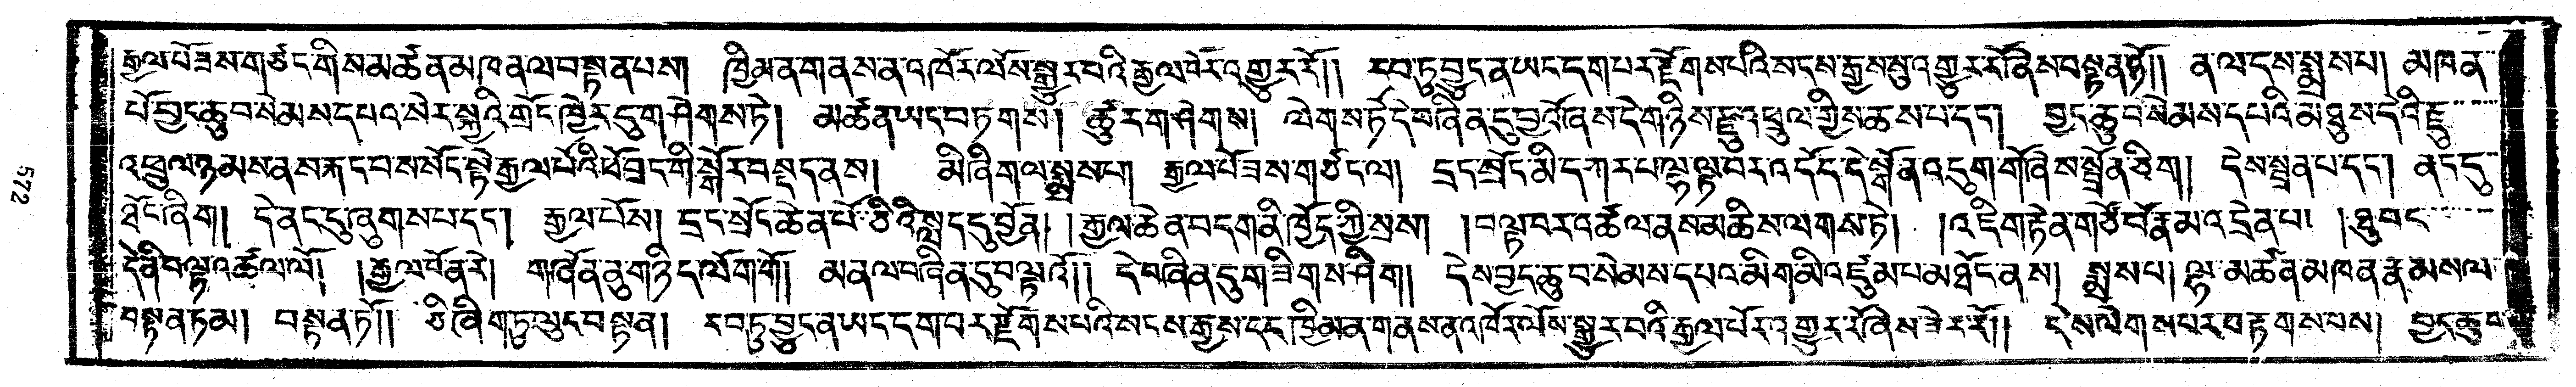རྒྱལ་པོ་ཟས་གཙང་གིས་མཚན་མཁན་ལ་བསྟན་པས། ཁྱིམ་ན་གནས་ནས་འཁོར་ལོས་སྒྱུར་བའི་རྒྱལ་པོར་འགྱུར་རོ།། རབ་ཏུ་བྱུང་ན་ཡང་དག་པར་རྫོགས་པའི་སངས་རྒྱས་སུ་འགྱུར་རོ་ཞེས་བསྟན་ཏོ།། ན་ལ་དས་སྨྲས་པ། མཁན་
པོ་བྱང་ཆུབ་སེམས་དཔའ་སེར་སྐྱའི་གྲོང་ཁྱེར་དུ་གཤེགས་ཏེ། མཚན་ཡང་བཏགས། ཚུར་གཤེགས། ལེགས་ཏོ་དེ་བཞིན་དུ་བྱའོ་ཞས་དེ་གཉིས་རྫུ་འཕྲུལ་གྱིས་ཆས་པ་དང་། བྱང་ཆུབ་སེམས་དཔའི་མཐུས་དེའི་རྫུ་
འཕྲུལ་ཉམས་ནས་རྐང་བ་ས་སོང་སྟེ་རྒྱལ་པོའི་ཕོ་བྲང་གི་སྒོར་བསྡད་ནས། མི་ཞིག་ལ་སྨྲས་པ། རྒྱལ་པོ་ཟས་གཙང་ལ། དྲང་སྲོང་མི་དཀར་པ་ལྷ་ལྟ་བར་འདོད་དེ་སྒོ་ན་འདུག་གོ་ཞེས་སྦྲོན་ཅིག། དེས་སྦྲན་པ་དང་། ནང་དུ་
ཐོང་ཞིག། དེ་ནང་དུ་ཞུགས་པ་དང་། རྒྱལ་པོས། དྲང་སྲོང་ཆེན་པོ་ཅིའི་སླད་དུ་བྱོན། །རྒྱལ་ཆེན་བདག་ནི་ཁྱོད་ཀྱི་སྲས། །བལྟ་བར་འཚལ་ནས་མཆིས་ལགས་ཏེ། །འཇིག་རྟེན་གཙོ་བོ་རྣམ་འདྲེན་པ། །ཐུབ་?
དེ་ནི་བལྟ་འཚལ་ལོ། །རྒྱལ་པོ་ན་རེ། གཞོན་ནུ་གཉིད་ལོག་གོ། མནལ་བཞིན་དུ་བལྟའོ།། དེ་བཞིན་དུ་གཟིགས་ཤིག། དེས་བྱང་ཆུབ་སེམས་དཔའ་མིག་མི་འཛུམ་པ་མཐོང་ནས། སྨྲས་པ། ལྷ་མཚན་མཁན་རྣམས་ལ་
བསྟན་ཏམ། བསྟན་ཏོ། །ཅི་ཞིག་ཏུ་ལུང་བསྟན། རབ་ཏུ་བྱུང་ན་ཡང་དག་པར་རྫོགས་པའི་སངས་རྒྱས་དང་ཁྱིམ་ན་གནས་ན་འཁོར་ལོས་སྒྱུར་བའི་རྒྱལ་པོར་འགྱུར་རོ་ཞེས་ཟེར་རོ།། དེས་ལེགས་པར་བརྟགས་པས། བྱང་ཆུབ་